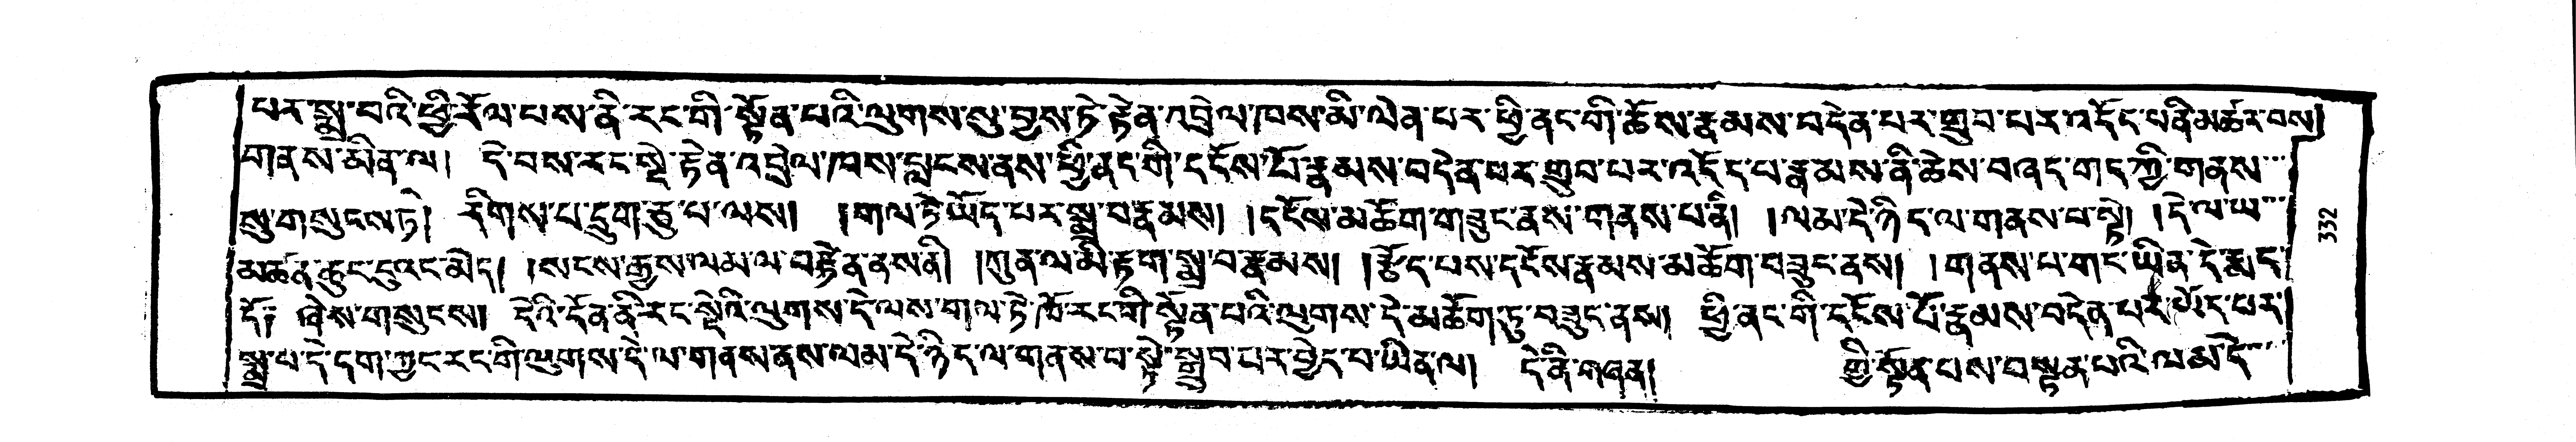པར་སྨྲ་བའི་ཕྱི་རོལ་པས་ནི་རང་གི་སྟོན་པའི་ལུགས་སུ་བྱས་ཏེ་རྟེན་འབྲེལ་ཁས་མི་ལེན་པར་ཕྱི་ནང་གི་ཆོས་རྣམས་བདེན་པར་གྲུབ་པར་འདོད་པ་ནི་མཚར་བས་
གནས་མིན་ལ། དེ་བས་རང་སྡེ་རྟེན་འབྲེལ་ཁས་བླངས་ནས་ཕྱི་ནང་གི་དངོས་པོ་རྣམས་བདེན་པར་གྲུབ་པར་འདོད་པ་རྣམས་ནི་ཆེས་བཞད་གད་ཀྱི་གནས་
སུ་གསུངས་ཏེ། རིགས་པ་དྲུག་ཅུ་པ་ལས། །གལ་ཏེ་ཡོད་པར་སྨྲ་བ་རྣམས། །དངོས་མཆོག་གཟུང་ནས་གནས་པ་ནི། །ལམ་དེ་ཉིད་ལ་གནས་པ་སྟེ། །དེ་ལ་ཡ་
མཚན་ཆུང་ངུའང་མེད། །སངས་རྒྱས་ལམ་ལ་བརྟེན་ནས་ནི། །ཀུན་ལ་མི་རྟག་སྨྲ་བ་རྣམས། །རྩོད་པས་དངོས་རྣམས་མཆོག་བཟུང་ནས། །གནས་པ་གང་ཡིན་དེ་རྨད་
དོ༑ ཞེས་གསུངས། དེའི་དོན་ནི་རང་སྡེའི་ལུགས་དེ་ལས་གལ་ཏེ་ཁོ་རང་གི་སྟོན་པའི་ལུགས་དེ་མཆོག་ཏུ་བཟུང་ནས། ཕྱི་ནང་གི་དངོས་པོ་རྣམས་བདེན་པར་ཡོད་པར་
སྨྲ་བ་དེ་དག་ཀྱང་རང་གི་ལུགས་དེ་ལ་གནས་ནས་ལམ་དེ་ཉིད་ལ་གནས་པ་སྟེ་སྒྲུབ་པར་བྱེད་པ་ཡིན་ལ། དེ་ནི་གཞན། གྱི་སྟོན་པས་བསྟན་པའི་ལམ་དེ་